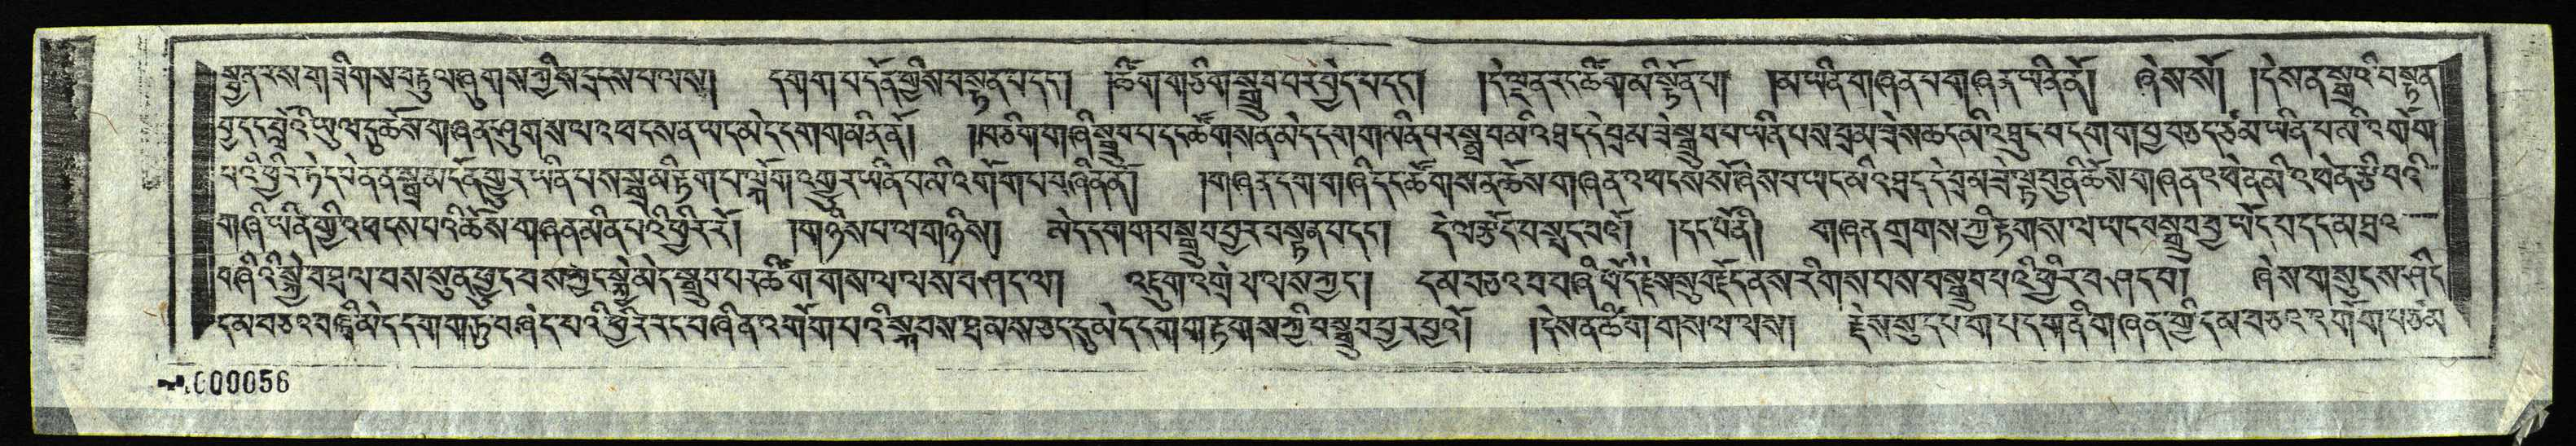སྤྱན་རས་གཟིགས་བརྟུལ་ཞུགས་ཀྱིས་དྲངས་པ་ལས། དགག་པ་དོན་གྱིས་བསྟན་པ་དང་། །ཚིག་གཅིག་སྒྲུབ་པར་བྱེད་པ་དང་། །དེ་ལྡན་རང་ཚིག་མི་སྟོན་པ། །མ་ཡིན་གཞན་པ་གཞན་ཡིན་ནོ། ཞེས་སོ། །དེས་ན་སྒྲའི་བསྟན་
བྱ་དང་བློའི་ཡུལ་དུ་ཆོས་གཞན་ཤུགས་ལ་འཕངས་ན་ཡང་མེད་དགག་མིན་ནོ། །ཁ་ཅིག་གཞི་སྒྲུབ་པ་དང་ཚོགས་ན་མེད་དགག་མིན་པར་སྨྲ་བ་མི་འཐད་དེ་བྲམ་ཟེ་སྒྲུབ་པ་ཡིན་པས་བྲམ་ཟེས་ཆད་མི་འཐུང་བ་དགག་བྱ་བཅད་ཙམ་ཡིན་པ་མི་འགོག་
པའི་ཕྱིར་ཏེ་དབེན་ན་སྒྲ་མངོན་གྱུར་ཡིན་པས་སྒྲ་མི་རྟག་པ་ལྐོག་འགྱུར་ཡིན་པ་མི་འགོག་པ་བཞིན་ནོ། །གཞན་དག་གཞི་དང་ཚོགས་ན་ཆོས་གཞན་འཕངས་སོ་ཞེས་པ་ཡང་མི་འཐད་དེ་བྲམ་ཟེ་ལྟ་བུ་ནི་ཆོས་གཞན་འཕེན་མི་འཕེན་རྩི་བའི་
གཞི་ཡིན་གྱི་འཕངས་པའི་ཆོས་གཞན་མིན་པའི་ཕྱིར་རོ། །གཉིས་པ་ལ་གཉིས། མེད་དགག་པ་སྒྲུབ་བྱར་བསྟན་པ་དང་། དེ་ལ་རྩོད་པ་སྤང་བའོ། །དང་པོ་ནི། གཞན་གྲགས་ཀྱི་རྟགས་ལ་ཡང་བསྒྲུབ་བྱ་ཡོད་པ་དང་མཐའ་
བཞིའི་སྐྱེ་བ་ཐལ་བས་སུན་ཕྱུང་བས་ཀྱང་སྐྱེ་མེད་སྒྲུབ་པར་ཚིག་གསལ་ལས་བཤད་ལ། འཇུག་འགྲེལ་ལས་ཀྱང་། དམ་བཅའ་བ་བཞི་པོ་དེ་རྗེས་སུ་བརྗོད་ནས་རིགས་པས་བསྒྲུབ་པའི་ཕྱིར་བཤད་པ། ཞེས་གསུངས་ཤིང་
དམ་བཅའ་བཞི་མེད་དགག་ཏུ་བཞེད་པའི་ཕྱིར་རང་བཞིན་འགོག་པའི་སྐབས་ཐམས་ཅད་དུ་མེད་དགག་རྟགས་ཀྱི་བསྒྲུབ་བྱར་བྱའོ། །དེས་ན་ཚིག་གསལ་ལས། རྗེས་སུ་དཔག་པ་དག་ནི་གཞན་གྱི་དམ་བཅའ་འགོག་པ་ཙམ་